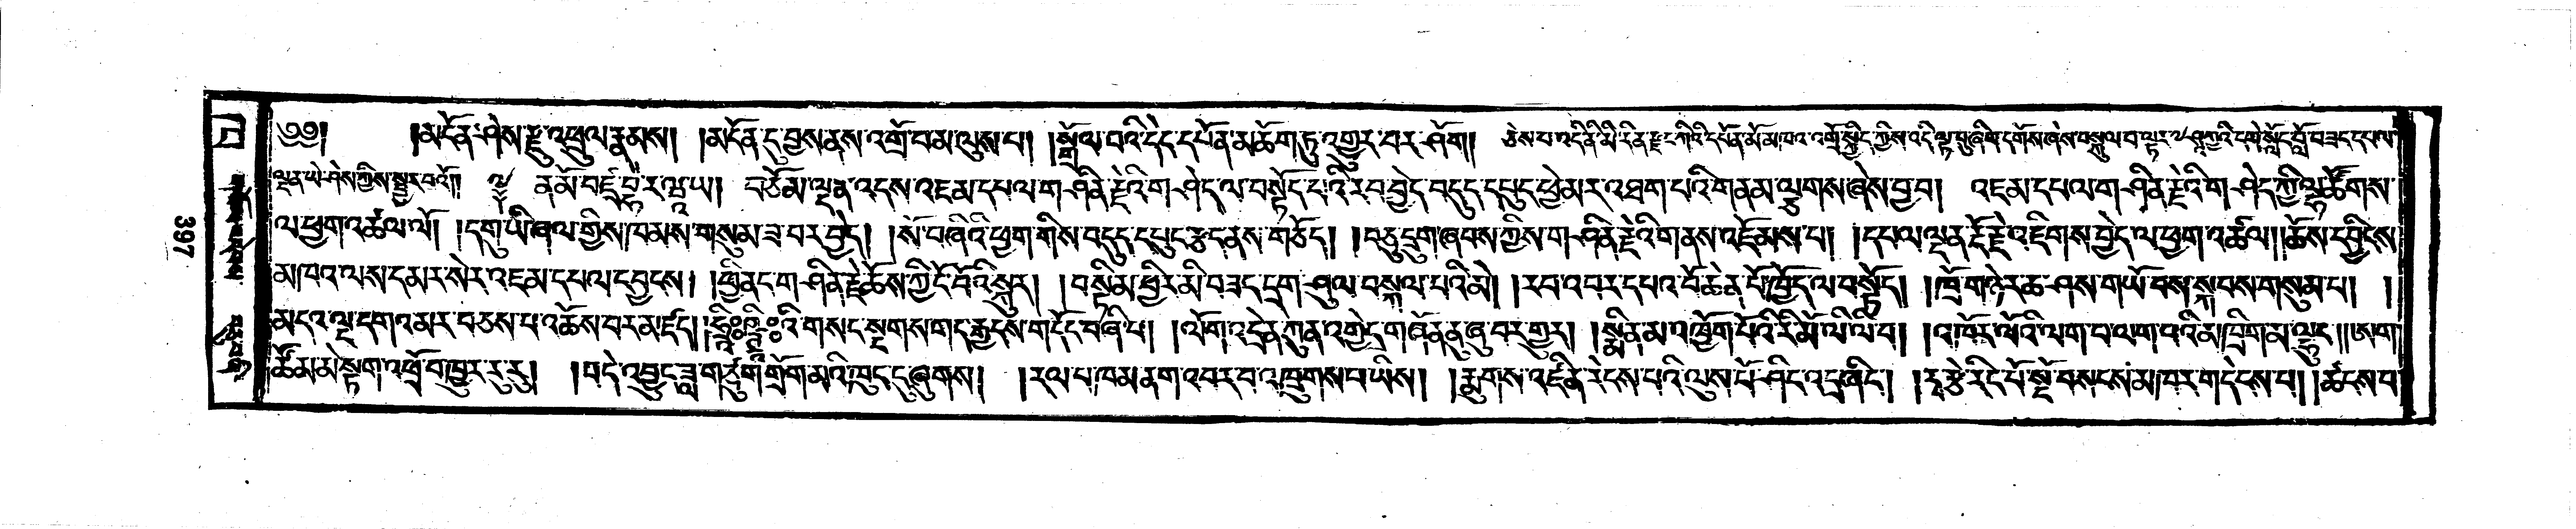༄༅། །མངོན་ཤེས་རྫུ་འཕྲུལ་རྣམས། །མངོན་དུ་བྱས་ནས་འགྲོ་བ་མ་ལུས་པ། །སྒྲོལ་བའི་དེང་དཔོན་མཆོག་ཏུ་འགྱུར་བར་ཤོག། ཅེས་པ་འདི་ནི་མི་རི་ནི་རྫང་ཀིའི་དཔོན་མོ་མཁའ་འགྲོ་སྐྱིད་ཀྱིས་འདི་ལྟ་བུ་ཞིག་དགོས་ཞེས་བསྐུལ་བ་ལྟར་༧་ཤཱཀྱའི་དགེ་སློང་བློ་བཟང་དཔལ་
ལྡན་ཡེ་ཤེས་ཀྱིས་སྦྱར་བའོ།། ༈ ན་མོ་བཛྲ་བྷེ་ར་ཝཱ་ཡ། བཅོམ་ལྡན་འདས་འཇམ་དཔལ་གཤིན་རྗེའི་གཤེད་ལ་བསྟོད་པའི་རབ་བྱེད་བདུད་དཔུང་ཕྱེ་མར་འཐག་པའི་གནམ་ལྕགས་ཞེས་བྱ་བ། འཇམ་དཔལ་གཤིན་རྗེའི་གཤེད་ཀྱི་ལྷ་ཚོགས།
ལ་ཕྱག་འཚལ་ལོ། །དགུ་ཡི་ཞལ་གྱིས་ཁམས་གསུམ་ཟ་བར་བྱེད། །སོ་བཞིའི་ཕྱག་གིས་བདུད་དཔུང་རྩད་ནས་གཅོད། །བཅུ་དྲུག་ཞབས་ཀྱིས་གཤིན་རྗེའི་གནས་འཛོམས་པ། །དཔལ་ལྡན་རྡོ་རྗེ་འཇིགས་བྱེད་ལ་ཕྱག་འཚལ། །ཆོས་དབྱིངས་
མཁའ་ལས་དམར་སེར་འཇམ་དཔལ་དབྱངས། །ཕྱི་ནང་གཤིན་རྗེ་ཆོས་ཀྱི་ངོ་བོའི་སྐུར། །བསྟིམ་ཕྱིར་མི་བཟང་དྲག་ཤུལ་བསྐལ་པའི་མེ། །རབ་འབར་དཔའ་བོ་ཆེན་པོ་ཁྱོད་ལ་བསྟོད། །ཁྲོ་གཉེར་ཆ་ཤས་གཡོ་བས་སྐབས་གསུམ་པ། །
མདའ་ལྔ་དགའ་མར་བཅས་པ་འཆོས་བར་མཛད། །ཧྲཱིཿ ཥྚཱིཿའི་གསང་སྔགས་གད་རྒྱངས་གདོང་བཞི་པ། །ལོག་འདྲེན་ཀུན་འགྱེད་གཞོན་ནུ་ཞུ་བར་གྱུར། །སྨིན་མ་འཁྱོག་པོའི་རི་མོ་ལི་ལི་བ། །འཁོར་ལོའི་ལག་པ་ལག་པའི་མཁྲིག་མ་ལྷུང་། །ཨག་
ཚོམ་མེ་སྟག་འཕྲོ་བ་ཁྱུར་རུ་རུ། །བདེ་འབྱུང་ཟླ་གཙུག་གྲོག་མའི་ཁུང་དུ་ཞུགས། །རལ་པ་ཁམ་ནག་འབར་བ་འཁྲུགས་པ་ཡིས། །རྨུགས་འཛིན་རེངས་པའི་ལུས་པོ་ཤིང་འདྲ་ཞིང་། །རྭ་རྩེ་རིང་པོ་སྔོ་བསངས་མཁར་གདེངས་པ། །ཚངས་པ་